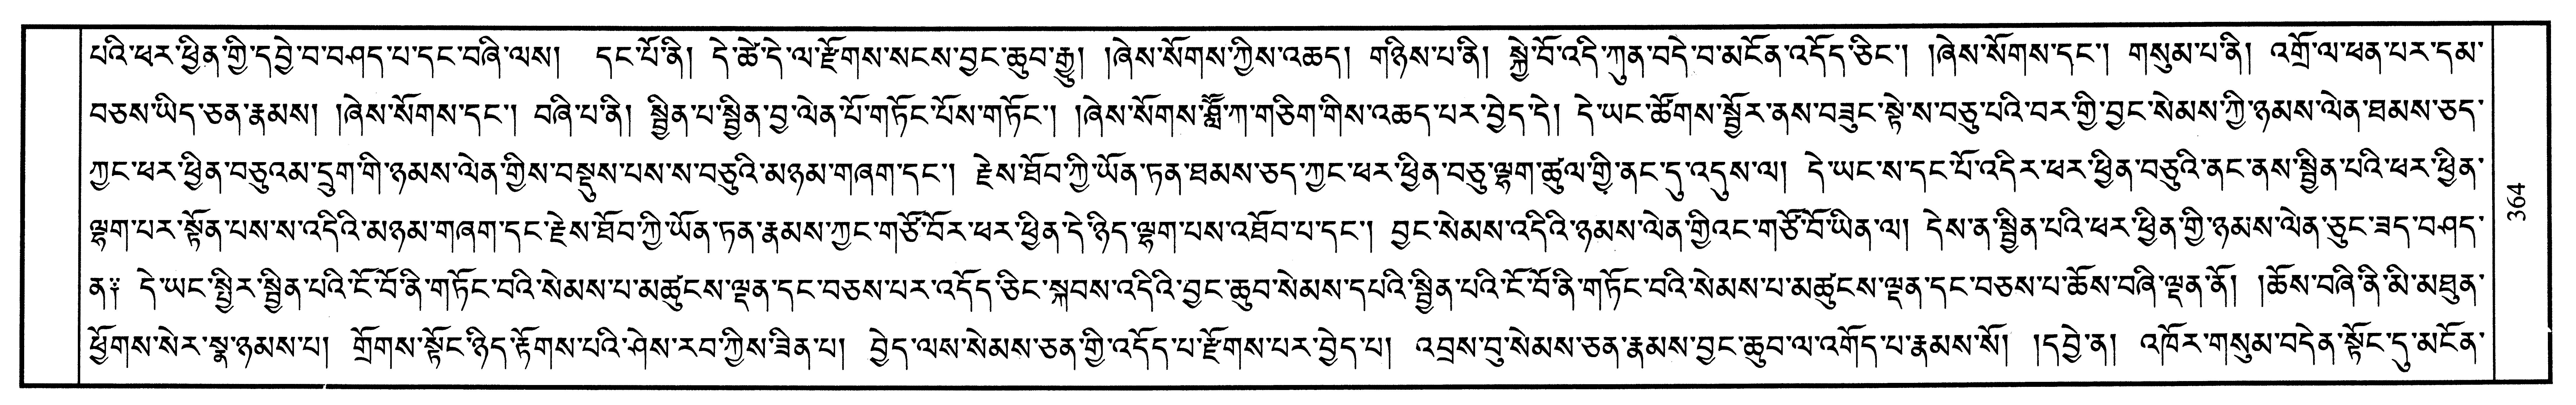པའི་ཕར་ཕྱིན་གྱི་དབྱེ་བ་བཤད་པ་དང་བཞི་ལས། དང་པོ་ནི། དེ་ཚེ་དེ་ལ་རྫོགས་སངས་བྱང་ཆུབ་རྒྱུ། །ཞེས་སོགས་ཀྱིས་འཆད། གཉིས་པ་ནི། སྐྱེ་བོ་འདི་ཀུན་བདེ་བ་མངོན་འདོད་ཅིང་། །ཞེས་སོགས་དང་། གསུམ་པ་ནི། འགྲོ་ལ་ཕན་པར་དམ་
བཅས་ཡིད་ཅན་རྣམས། །ཞེས་སོགས་དང་། བཞི་པ་ནི། སྦྱིན་པ་སྦྱིན་བྱ་ལེན་པོ་གཏོང་པོས་གཏོང་། །ཞེས་སོགས་ཤླཽ་ཀ་གཅིག་གིས་འཆད་པར་བྱེད་དེ། དེ་ཡང་ཚོགས་སྦྱོར་ནས་བཟུང་སྟེ་ས་བཅུ་པའི་བར་གྱི་བྱང་སེམས་ཀྱི་ཉམས་ལེན་ཐམས་ཅད་
ཀྱང་ཕར་ཕྱིན་བཅུའམ་དྲུག་གི་ཉམས་ལེན་གྱིས་བསྡུས་པས་ས་བཅུའི་མཉམ་གཞག་དང་། རྗེས་ཐོབ་ཀྱི་ཡོན་ཏན་ཐམས་ཅད་ཀྱང་ཕར་ཕྱིན་བཅུ་ལྷག་ཚུལ་གྱི་ནང་དུ་འདུས་ལ། དེ་ཡང་ས་དང་པོ་འདིར་ཕར་ཕྱིན་བཅུའི་ནང་ནས་སྦྱིན་པའི་ཕར་ཕྱིན་
ལྷག་པར་སྟོན་པས་ས་འདིའི་མཉམ་གཞག་དང་རྗེས་ཐོབ་ཀྱི་ཡོན་ཏན་རྣམས་ཀྱང་གཙོ་བོར་ཕར་ཕྱིན་དེ་ཉིད་ལྷག་པས་འཐོབ་པ་དང་། བྱང་སེམས་འདིའི་ཉམས་ལེན་གྱིའང་གཙོ་བོ་ཡིན་ལ། དེས་ན་སྦྱིན་པའི་ཕར་ཕྱིན་གྱི་ཉམས་ལེན་ཅུང་ཟད་བཤད་
ན༑ དེ་ཡང་སྤྱིར་སྦྱིན་པའི་ངོ་བོ་ནི་གཏོང་བའི་སེམས་པ་མཚུངས་ལྡན་དང་བཅས་པར་འདོད་ཅིང་སྐབས་འདིའི་བྱང་ཆུབ་སེམས་དཔའི་སྦྱིན་པའི་ངོ་བོ་ནི་གཏོང་བའི་སེམས་པ་མཚུངས་ལྡན་དང་བཅས་པ་ཆོས་བཞི་ལྡན་ནོ། །ཆོས་བཞི་ནི་མི་མཐུན་
ཕྱོགས་སེར་སྣ་ཉམས་པ། གྲོགས་སྟོང་ཉིད་རྟོགས་པའི་ཤེས་རབ་ཀྱིས་ཟིན་པ། བྱེད་ལས་སེམས་ཅན་གྱི་འདོད་པ་རྫོགས་པར་བྱེད་པ། འབྲས་བུ་སེམས་ཅན་རྣམས་བྱང་ཆུབ་ལ་འགོད་པ་རྣམས་སོ། །དབྱེ་ན། འཁོར་གསུམ་བདེན་སྟོང་དུ་མངོན་